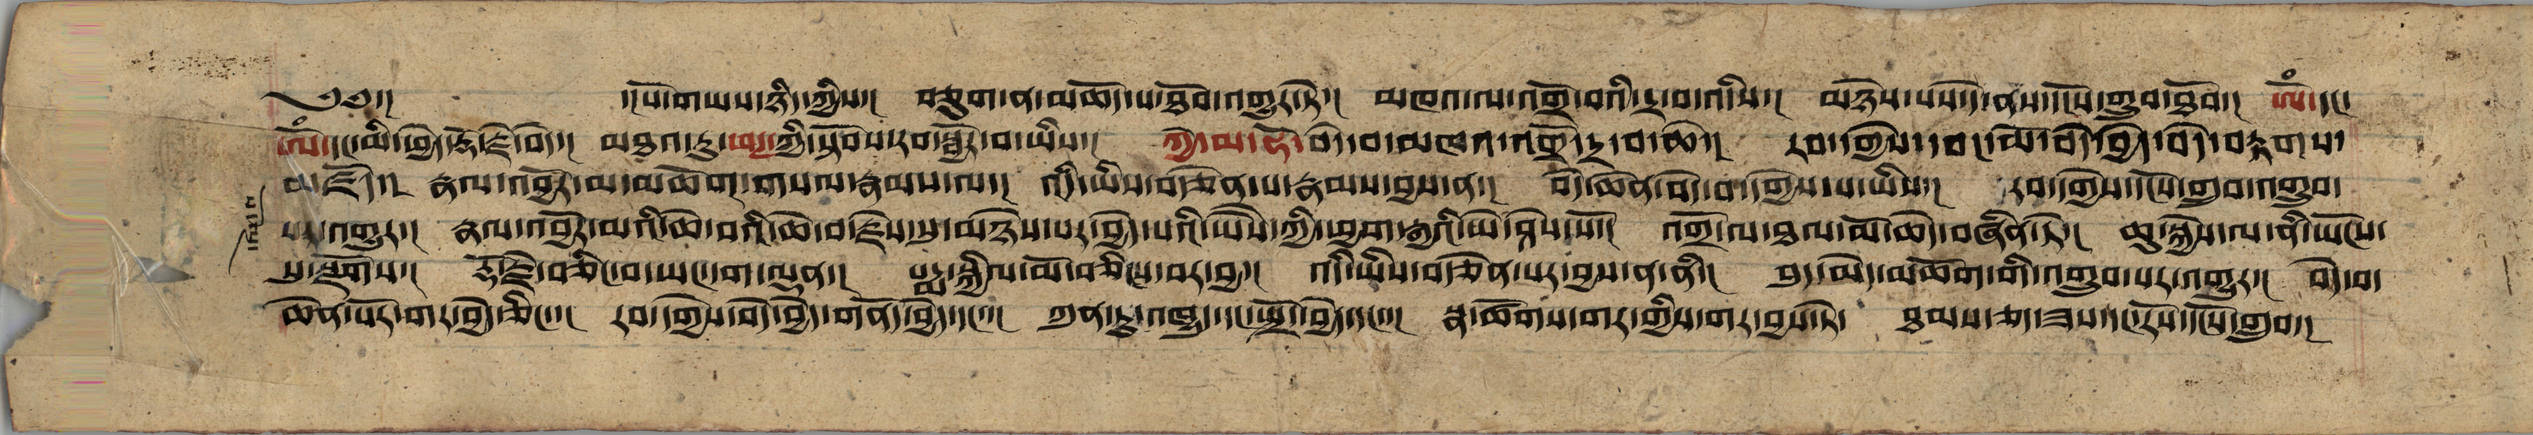༄༅་། ་།པོ་གཡས་ཉིད་ཀྱིས་། བཅུག་ན་མཆོད་པ་ཐོབ་འགྱུར་ཏེ་། མཁའ་ལ་འགྲོ་བའི་དྲ་བ་འདིས་། མཉེས་པས་དེ་ནས་དངོས་གྲུབ་ཐོབ་། ཨོཾ་དང་
ཨོཾ་དང་མི་ཕྱེད་རྡོ་རྗེ་བདེ་། མཐའ་རུ་ཕཊ་ཀྱི་སྟོབས་རབ་སྦྱོར་བ་ཡིས་། ཀྱེ་མ་ཧོ་བདེ་བ་མཁའ་འགྲོ་དྲ་བ་ཆེ་། རབ་དགྱེས་དབང་མོ་བདེ་བྱེད་བདེ་བརྟགས་
མཛོད་། རྣལ་འབྱོར་མ་མཆོག་གསལ་རྣམས་ལ་། འདི་ཡིས་བརྩེན་པ་རྣམས་བྱས་ན་། བདེ་ཆེན་བདེ་བ་དགྱེས་པ་ཡིས་། རབ་དགྱེས་དངོས་གྲུབ་འགྲུབ་
པར་འགྱུར་། རྣལ་འབྱོར་མའི་ཆེ་བའི་ཆེ་བ་རྗེས་སུ་མཉེས་པར་བྱེད་པའི་ཡཻས་ཀྱི་ཕྱག་རྒྱའི་ཡེ་ཤེས་སོ་། འགྲོ་ལ་ཐལ་མོ་ཆེད་བཞིན་ཏེ་། ཆུ་སྐྱེས་ལ་ནི་ཡོངས་
སུ་སྫོགས་། རྡོ་རྗེ་བཅིང་བ་ཡང་དག་ལྡན་། པདྨ་སྐྱིལ་མོ་བཅིངས་བར་བྱ་། འདི་ཡིས་བརྩེན་པར་བྱས་ན་ནི་། བུད་མེད་མཆོག་གི་འགྲུབ་པར་འགྱུར་། བདེ་བ་
ཆེན་པོར་གར་བྱེད་ཅིང་་། རབ་དགྱེས་བདེ་བྱེད་གནོད་བྱེད་དང་་། ཀུན་ཏུ་འཁྱུད་དང་སྤྲོད་བྱེད་དང་་། སྣ་ཚོགས་གར་གྱིས་གར་བྱས་ཏེ་། ཐམས་ཅད་ཟས་དང་རོས་དངོས་གྲུབ་།